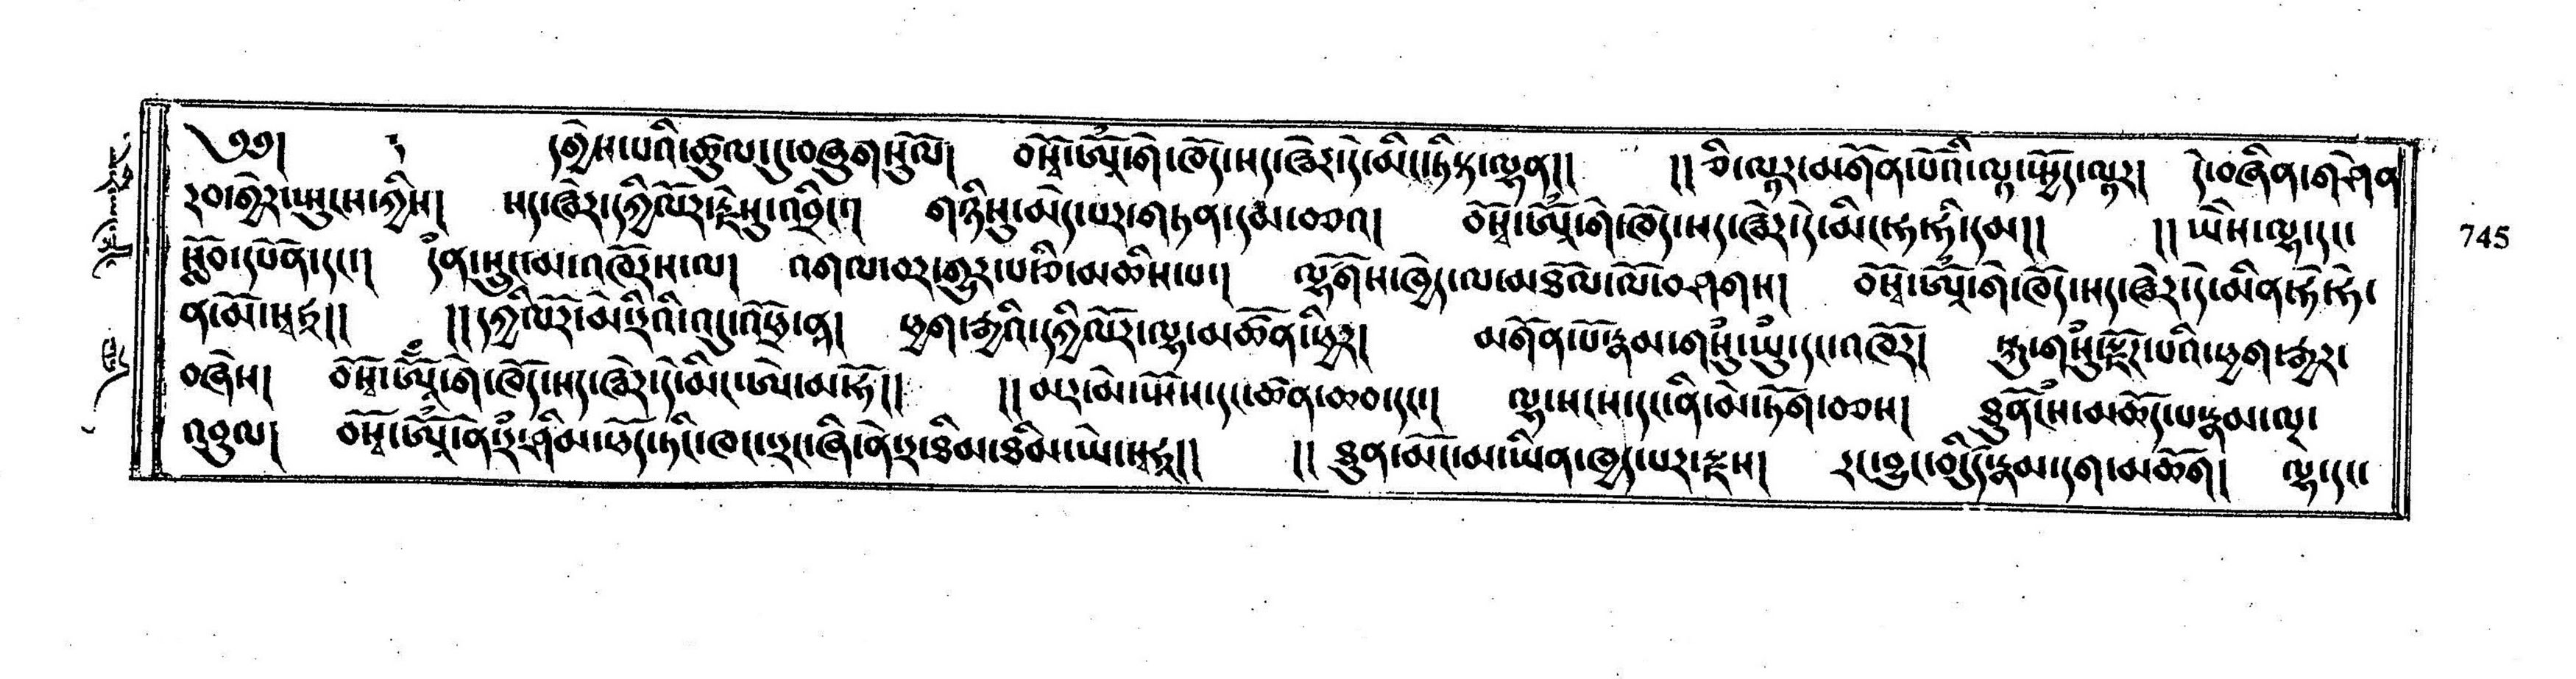དགྱེས་པའི་ཚུལ་དུ་བཞུགས་སུ་གསོལ། བསྭོ་ཨཱོཾ་གེ་ཁོད་སད་ཝེར་དེ་མིང་ཏིསྟ་ལྷན།། །།ཅི་ལྟར་མགོན་པོའི་ལྟ་སྤྱོད་ལྟར། དེ་བཞིན་གཤེན་
རབ་གྱེར་སྤུངས་ཀྱིས། སད་ཝེར་དཀྱིལ་འཁོར་རྗེས་སུ་འབྲིང་། གཉིས་སུ་མེད་པར་གཏན་དམ་བཅའ། བསྭོ་ཨཱོཾ་གེ་ཁོད་སད་ཝེར་དེ་མིང་ཧ་ཧི་དམ།། །།ཡེ་ཤེས་ལྷ་དང་
སློབ་དཔོན་དང་། དམ་ཅན་སྲུང་མ་འཁོར་བཅས་ལ། འགལ་བར་གྱུར་པ་ཅི་མཆིས་པ། ལྷ་ཚོགས་ཁྱེད་ལ་མཐོལ་ལོ་བཤགས། བསྭོ་ཨཱོཾ་གེ་ཁོད་སད་ཝེར་དེ་མིན་ཧེ་ཧེ་
ན་མོ་སྭཧཱ།། །།དཀྱིལ་འཁོར་མེ་རིའི་འདུ་འཕྲོ་ནས། ཕྱག་རྒྱའི་དཀྱིལ་འཁོར་ལྷ་མཚོན་ཕྱིར། མགོན་པོ་རྣམ་གསུམ་ཡུམ་དང་འཁོར། སྐུ་གསུམ་རྫོགས་པའི་ཕྱག་རྒྱར་
བཞེས། བསྭོ་ཨཱོཾ་གེ་ཁོད་སད་ཝེར་དེ་མིང་ཨེ་མ་ཧོ།། །།མར་མེ་སྤོས་དང་ཚན་ཆབ་དང་། ལྷ་སངས་དང་ནི་མེ་ཏོག་བཅས། ཐུན་མོངས་མཆོད་པ་རྣམ་ལྔ་
འབུལ། བསྭོ་ཨཱོཾ་ནེ་རཾ་ཤིམ་ཕོད་ཏིང་ཁང་རང་ཞི་ནེ་ར་ཐིམ་ཐིམ་ཡེ་སྭཧཱ།། །།ཐུན་མོང་མ་ཡིན་ཁྱད་པར་རྫས། རང་བྱུང་བདུད་རྩི་རྣམ་དག་མཆོག ལྷ་དང་